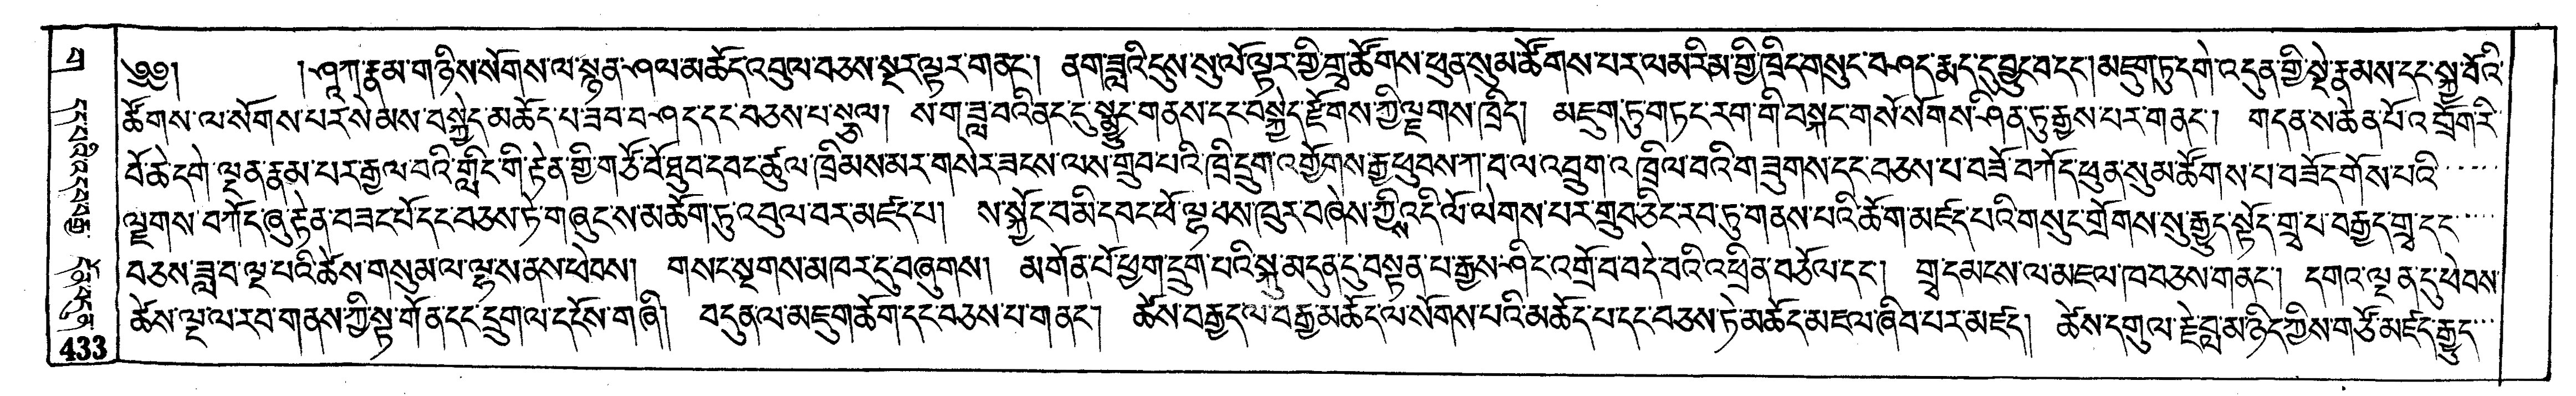༄༅། །ཤཱཀ་རྣམ་གཉིས་སོགས་ལ་སྙན་ཤལ་མཆོད་འབུལ་བཅས་སྔར་ལྟར་གནང་། ནག་ཟླའི་དུས་སུ་ལོ་ལྟར་གྱི་གྲྭ་ཚོགས་ཕུན་སུམ་ཚོགས་པར་ལམ་རིམ་གྱི་ཁྲིད་གསུང་བཤད་རྨད་དུ་བྱུང་བ་དང་། མཇུག་ཏུ་དགེ་འདུན་གྱི་སྡེ་རྣམས་དང་སྐྱ་པོའི་
ཚོགས་ལ་སོགས་པར་སེམས་བསྐྱེད་མཆོད་པ་ཟབ་བཤད་དང་བཅས་པ་སྩལ། ས་ག་ཟླ་བའི་ནང་དུ་སྨྱུང་གནས་དང་བསྐྱེད་རྫོགས་ཀྱི་ལྗགས་ཁྲིད། མཇུག་ཏུ་བཏང་རག་གི་བསྐང་གསོ་སོགས་ཤིན་ཏུ་རྒྱས་པར་གནང་། གདན་ས་ཆེན་པོ་འབྲོག་རི་
བོ་ཆེ་དགེ་ལྡན་རྣམ་པར་རྒྱལ་བའི་གླིང་གི་རྟེན་གྱི་གཙོ་བོ་ཐུབ་དབང་ཚུལ་ཁྲིམས་མར་གསེར་ཟངས་ལས་གྲུབ་པའི་ཁྲི་དྲུག་འགྱོགས་རྒྱ་ཕུབས་ཀ་བ་ལ་འབྲུག་འཁྲིལ་བའི་གཟུགས་དང་བཅས་པ་བཟོ་བཀོད་ཕུན་སུམ་ཚོགས་པ་བཟོ་དགོས་པའི་
ལྗགས་བཀོད་ཞུ་རྟེན་བཟང་པོ་དང་བཅས་ཏེ་གཞུང་ས་མཆོག་ཏུ་འབུལ་བར་མཛད་པ། ས་སྐྱོང་བ་མི་དབང་ཕོ་ལྷ་བས་ཁུར་བཞེས་ཀྱིས་འདི་ལོ་ལེགས་པར་གྲུབ་ཅིང་རབ་ཏུ་གནས་པའི་ཆོ་ག་མཛད་པའི་གསུང་གྲོགས་སུ་རྒྱུད་སྟོད་གྲྭ་པ་བརྒྱད་གྲྭ་དང་
བཅས་ཟླ་བ་ལྔ་པའི་ཚེས་གསུམ་ལ་ལྷས་ནས་ཕེབས། གསང་སྔགས་མཁར་དུ་བཞུགས། མགོན་པོ་ཕྱག་དྲུག་པའི་སྐུ་མདུན་དུ་བསྟན་པ་རྒྱས་ཤིང་འགྲོ་བ་བདེ་བའི་འཕྲིན་བཅོལ་དང་། གྲྭ་དམངས་ལ་མཇལ་ཁ་བཅས་གནང་། དགའ་ལྡན་དུ་ཕེབས་
ཚེས་ལྔ་ལ་རབ་གནས་ཀྱི་སྟ་གོན་དང་དྲུག་ལ་དངོས་གཞི། བདུན་ལ་མཇུག་ཆོག་དང་བཅས་པ་གནང་། ཚེས་བརྒྱད་ལ་བརྒྱ་མཆོད་ལ་སོགས་པའི་མཆོད་པ་དང་བཅས་ཏེ་མཆོད་མཇལ་ཞིབ་པར་མཛད། ཚེས་དགུ་ལ་རྗེ་བླ་མ་ཉིད་ཀྱིས་གཙོ་མཛད་རྒྱུད་